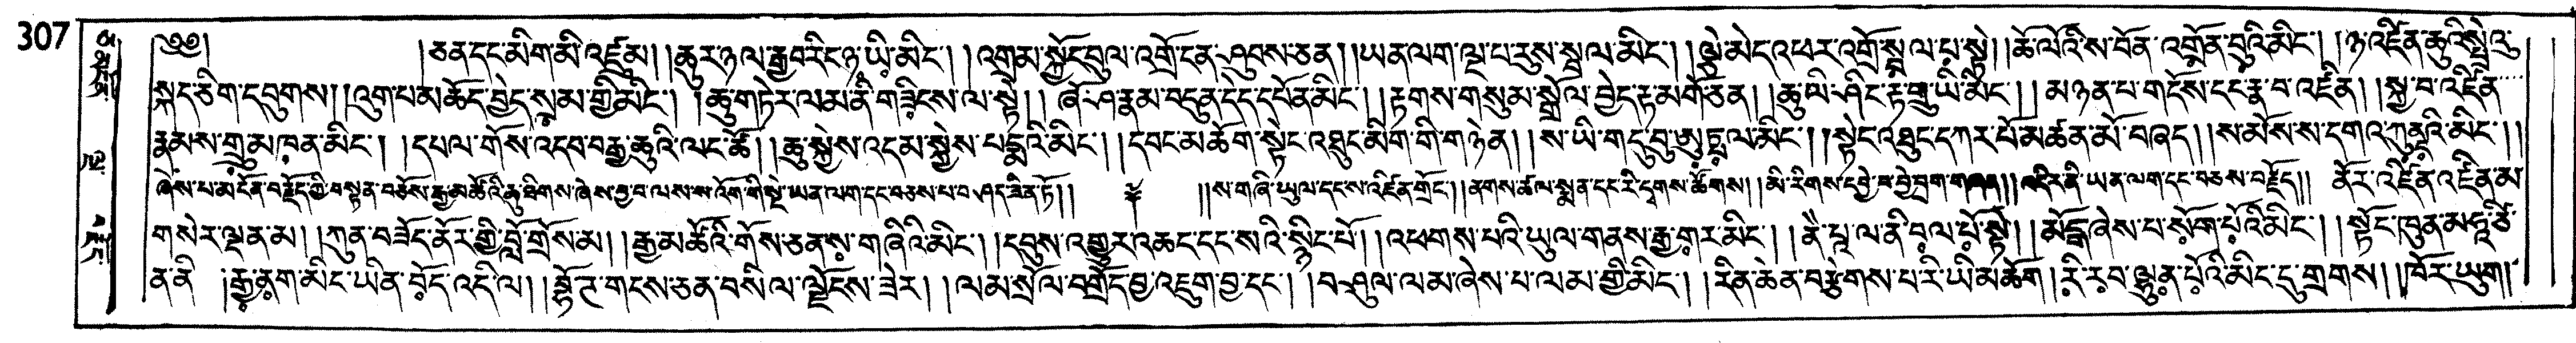༄༅། །ཅན་དང་མིག་མི་འཛུམ། །ཆུར་ཉལ་རྒྱབ་རིང་ཉ྾་ཡི྾་མིང་། །འགྲམ་སྐྱོང་བུལ་འགྲོ་ངན་ཤུབས་ཅན། །ཡན་ལག་ལྔ་པ་རུས་སྦལ་མིང་། །ལྕེ་མེད་འཕར་འགྲོ་སྦལ྾་པ྾་སྟེ། །ཆོ་ལོའི་ས་བོན་འགྲོན྾་བུའི྾་མིང་། །ཉ་འཛིན་ཆུའི་སྤྲེའུ་
སྐད་ཅིག་དབུགས། །འུག་པ་མཆོད་བྱེད་སྲམ྾་གྱི་མིང་། །ཆུ་གཏེར་ལམ་ནི་གཟིངས྾་ལ་སྟེ། །ཞོ་ཤ་རྣམ་བདུན་དེད་དཔོན་མིང་། །རྟགས་གསུམ་སྒྲོལ་བྱེད་རྟ་མགོ་ཅན། །ཆུ་ཡི་ཤིང་རྟ་གྲུ་ཡི་མིང་། །མཉན་པ་གདོངས་དང་རྣ་བ་འཛིན། །སྐྱ་བ་འཛིན་
རྣམས་གྲུ་མཁན་མིང་། །དཔལ་གོས་འདབ་བརྒྱ་ཆུའི་ལང་ཚོ། །ཆུ་སྐྱེས་འདམ་སྐྱེས་པདམའི་མིང་། །དབང་མཆོག་སྟེང་འཐུང་མིག་གི་གཉེན། །ས་ཡི་གདུ་བུ་ཨུ྾་ཏྤ྾་ལ་མིང་། །སྟེང་འཐུང་དཀར་པོ་མཚན་མོ་བཞད། །ས་མོས་ས་དགའ་ཀུ྾་ནྡའི྾་མིང་། །
ཞེས་པ་མངོན་བརྗོད་ཀྱི་བསྟན་བཅོས་རྒྱ་མཚོའི་ཆུ་ཐིགས་ཞེས་བྱ་བ་ལས་ས་འོག་གི་སྔེ་ཡན་ལག་དང་བཅས་པ་བཤད་ཟིན་ཏོ།། འ་།།ས་གཞི་ཡུལ་དང་ས་འཛིན་གྲོང་། །ནགས་ཚལ་སྨན་དང་རི་དྭགས་ཚོགས། །མི་རིགས་དབྱེ་བ་བྱེ་བྲག་གཞན། །འདྲི་ནི་ཡན་ལག་དང་བཅས་བརྗོད། །ནོར་འཛིན་འཛིན་མ་
གསེར་ལྡན་མ། །ཀུན་བཟོད་ནོར་གྱི་བློ་གྲོས་མ། །རྒྱ་མཚོའི་གོས་ཅན་ས྾་གཞཱི་མིང་། །དབུས་འགྱུར་འཆང་དང་སའི་སྙིང་པོ། །འཕགས་པའི་ཡུལ་གནས་རྒྱ་གར྾་མིང་། །ནཻ་པའི་ལ་ནི་བལ྾་པོ྾་སྟེ། །མོངྒ་ཞེས་པ་སོག྾་པོའི྾་མིང་། །སྟོང་ཁུན་མྷའ་ཙི་
ན་ནི་།རྒྱ྾་ནག྾་མིང་ཡིན་བོད྾་འདི་ལ། །བྷོཌ་གངས་ཅན་བསིལ་ལྗོངས་ཟེར། །ལམ་སྲོལ་བགྲོད་བྱ་འཇུག་བྱ་དང་། །བཤུལ་ལམ་ཞེས་པ་ལམ་གྱི་མིང་། །རིན་ཆེན་བརྩེགས་པ་རི་ཡི་མཆོག། །རི྾་རབ྾་ལྷུན྾་པོའི྾་མིང་དུ་གྲགས། །ཁོར་ཡུག།